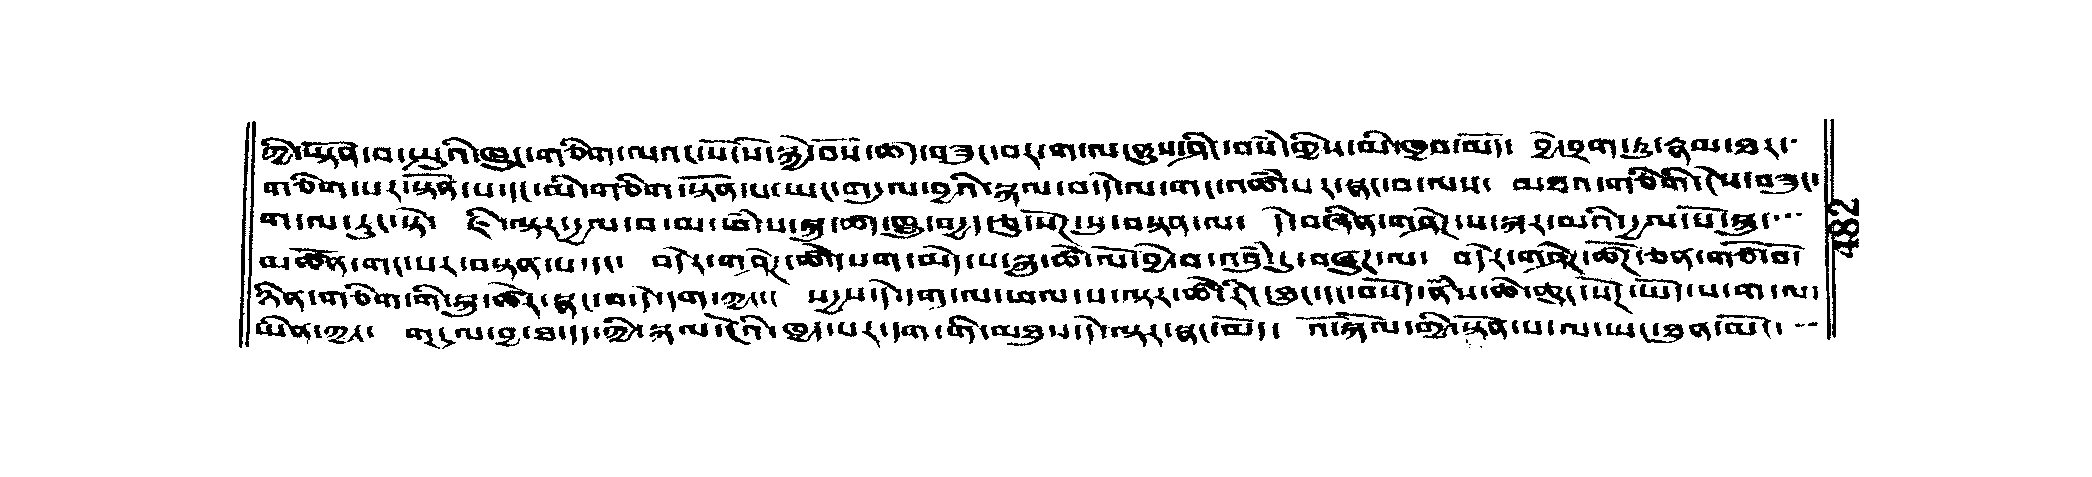ཀྱི་ཡོན་ཏན་བ་སྤུའི་ཁུང་གཅིག་ལའང་སོ་སོ་སྐྱེ་བོས་ཚད་བཟུང་བར་ག་ལ་ནུས་ཤིང་བསམ་གྱིས་མི་ཁྱབ་མོད། བྱེ་བྲག་ཏུ་རྣམ་ཐར་
གཅིག་པ་སྟོན་པ་དང་མི་གཅིག་སྟོན་པ་ཡང་གདུལ་བྱའི་སྐལ་བ་དེ་ལ་གང་འཚམས་པར་སྣང་བ་ལས། མཐའ་གཅིག་གི་ངོས་བཟུང་
ག་ལ་རུང་སྟེ། ཇི་ལྟར་རྒྱལ་བ་མ་ཕམ་པ་སྐུ་ཚད་ཁྲུ་བརྒྱད་ཅུ་སོགས་སུ་བསྟན་ལ། དེ་བཞིན་གཤེགས་པ་སྐར་མའི་རྒྱལ་པོ་སྐུ་
མཚོན་གང་བར་བསྟན་པ་དང་། བདེ་གཤེགས་ཚེ་དཔག་མེད་པ་སྐུ་ཚེ་ལོ་བྱེ་བ་འབུམ་དུ་བཞུགས་ལ། བདེ་གཤེགས་ཚོགས་ཅན་གཙོ་བོ་
ཉིན་གཅིག་གི་སྐུ་ཚེར་སྣང་བ་དེ་དག་ཀྱང་། སངས་རྒྱས་དེ་དག་ལ་ཕལ་པ་ལྟར་ཚེ་རིང་ཐུང་དང་བསོད་ནམས་ཆེ་ཆུང་ཡོད་པ་ག་ལ་
ཡིན་ཀྱང་། གདུལ་བྱ་ཐ་དད་ཀྱི་སྐལ་ངོའི་ཁྱད་པར་དག་གི་མཐུས་དེ་ལྟར་སྣང་མོད།འོ་སྐོལ་གྱི་སྟོན་པ་ལ་ཡང་ཐུན་མོང་